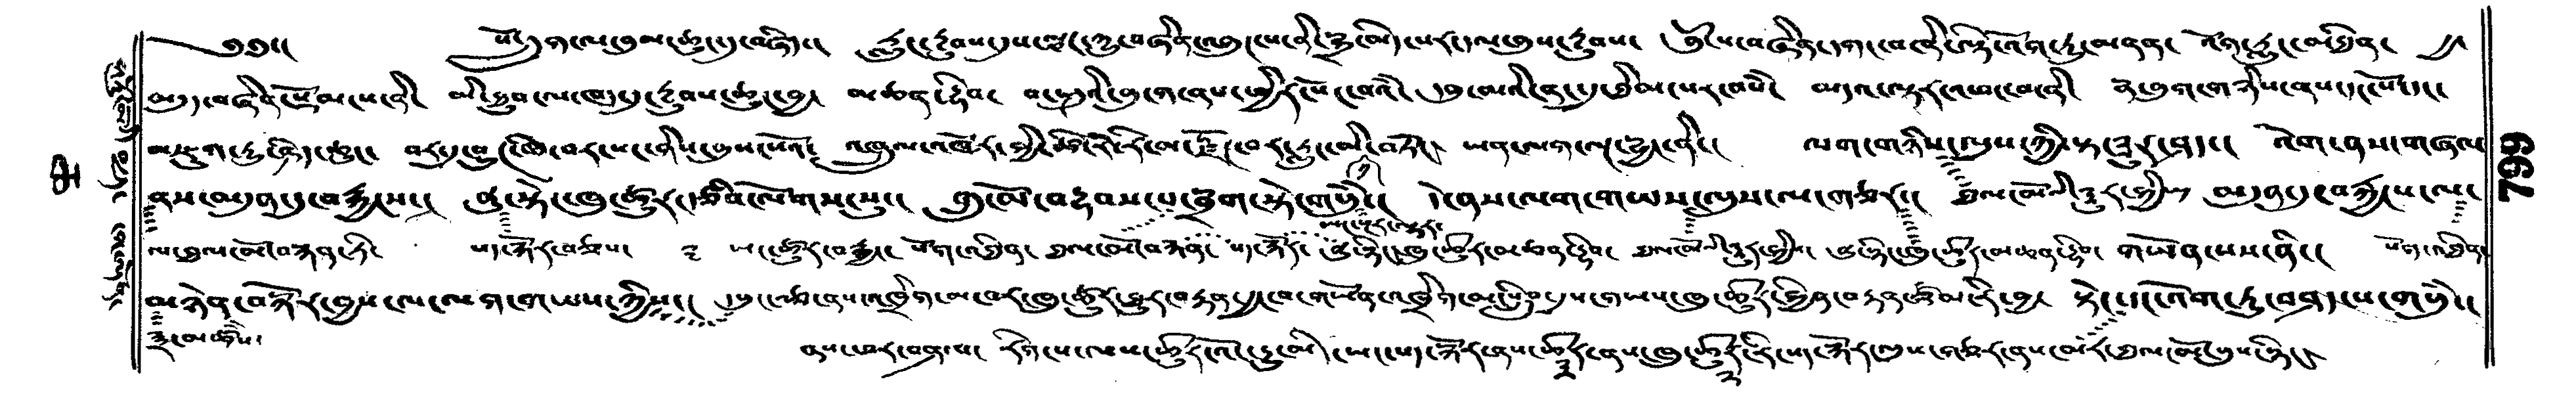སོ་དྲུག་ལ་བུམ་ཆུང་དུ་བཞེད། རླུང་རྔུབ་དུས་ལྕགས་ཀྱུ་བཞིན་འགུགས་པ་ནི་སྒྲ་མེད་པར་དལ་བུས་རྔུབ། བུམ་པ་བཞིན་དགང་བ་ནི་ལྟེ་འོག་ཏུ་མནན། འོག་རླུང་མཐེན། 
རྒྱ་མདུད་བཞིན་སྡོམ་པ་ནི། མི་ཐུབ་ལ་ཁད་དུ་རྔུབ་ཆུང་བྱ། མཆན་རྡེབ། བ་སྤུའི་བུ་ག་ནས་ཕྱིར་སོང་བའམ།དབུ་མའི་ནང་དུ་ཐིམ་པར་བསམ། མདའ་ལྟར་འཕང་བ་ནི། སྣ་བུག་གཉིས་ནས་དང་པོ་དང་། 
མཇུག་ཏུ་ཤེད་ཆུང་། བར་དུ་ཤུགས་ཆེ་བར་སང་གིས་འབུད་པའོ། འཁྲུལ་འཁོར་གྱི་ཚེ་རེ་རེ་མ་རྫོགས་བར་རླུང་མི་གཏོང་། ཡན་ལག་ལྔ་སྦྱང་ནི། ལག་གཉིས་ལུས་ཀྱི་སྟ་ཟུར་ཤད། །འོག་ནས་གཞལ་
ནས་མདུན་དུ་བརྐྱངས། །ནུ་སྟེང་ཁུ་ཚུར་རྩིབས་ལོགས་སུ། །གྲུ་མོ་བརྡབ་པ་སྦྲགས་ཏེ་གསུམ། །དེ་ནས་ལག་གཡས་ལུས་ལ་གཅར། །མདུན་དུ་བརྐྱང་ལ་
གཡོན་པས་ནི། །མཉེན་བསྐོར་བྱས་ལ་ལག་གཡས་ཀྱིས། །སྟེང་དང་འོག་ཏུ་བཤད་པ་གསུམ།